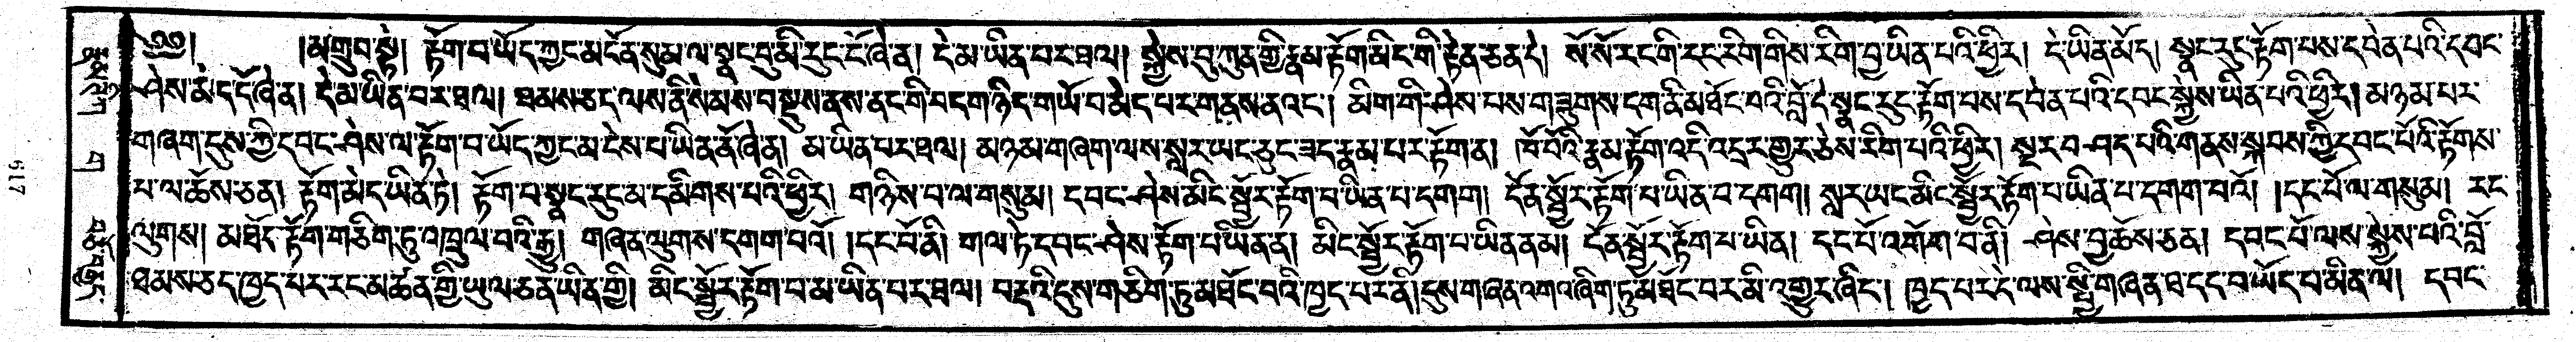༄༅། །མ་གྲུབ་སྟེ། རྟོག་པ་ཡོད་ཀྱང་མངོན་སུམ་ལ་སྣང་བུ་མི་རུང་ངོ་ཞེ་ན། དེ་མ་ཡིན་པར་ཐལ། སྐྱེས་བུ་ཀུན་གྱི་རྣམ་རྟོག་མིང་གི་རྟེན་ཅན་དེ། སོ་སོ་རང་གི་རང་རིག་གིས་རིག་བྱ་ཡིན་པའི་ཕྱིར། དེ་ཡིན་མོད། སྣང་རུང་རྟོག་པས་དབེན་པའི་དབང་
ཤེས་མེད་དོ་ཞེ་ན། དེ་མ་ཡིན་པར་ཐལ། ཐམས་ཅད་ལས་ནི་སེམས་བསྡུས་ནས་ནང་གི་བདག་ཉིད་གཡོ་བ་མེད་པར་གནས་ནའང་། མིག་གི་ཤེས་པས་གཟུགས་དག་ནི་མཐོང་བའི་བློ་དེ་སྣང་རུང་རྟོག་པས་དབེན་པའི་དབང་སྐྱེས་ཡིན་པའི་ཕྱིར། མཉམ་པར་
གཞག་དུས་ཀྱི་དབང་ཤེས་ལ་རྟོག་པ་ཡོད་ཀྱང་མ་ངེས་པ་ཡིན་ནོ་ཞེ་ན། མ་ཡིན་པར་ཐལ། མཉམ་གཞག་ལས་སླར་ཡང་ཅུང་ཟད་རྣམ་པར་རྟོག་ན། ཁོ་བོའི་རྣམ་རྟོག་འདི་འདྲར་གྱུར་ཅེས་རིག་པའི་ཕྱིར། སྔར་བཤད་པའི་གནས་སྐབས་ཀྱི་དབང་པོའི་རྟོགས་
པ་ལ་ཆོས་ཅན། རྟོག་མེད་ཡིན་ཏེ། རྟོག་པ་སྣང་རུང་མ་དམིགས་པའི་ཕྱིར། གཉིས་པ་ལ་གསུམ། དབང་ཤེས་མིང་སྦྱོར་རྟོག་པ་ཡིན་པ་དགག། དོན་སྦྱོར་རྟོག་པ་ཡིན་བ་དགག། སླར་ཡང་མིང་སྦྱོར་རྟོག་པ་ཡིན་པ་དགག་པའོ། །དང་པོ་ལ་གསུམ། རང་
ལུགས། མཐོང་རྟོག་གཅིག་ཏུ་འཁྲུལ་བའི་རྒྱུ། གཞན་ལུགས་དགག་པའོ། །དང་པོ་ནི། གལ་ཏེ་དབང་ཤེས་རྟོག་པ་ཡིན་ན། མིང་སྦྱོར་རྟོག་པ་ཡིན་ནམ། དོན་སྦྱོར་རྟོག་པ་ཡིན། དང་པོ་འགོག་པ་ནི། ཤེས་བྱ་ཆོས་ཅན། དབང་པོ་ལས་སྐྱེས་པའི་བློ་
ཐམས་ཅད་ཁྱད་པར་རང་མཚན་གྱི་ཡུལ་ཅན་ཡིན་གྱི། མིང་སྦྱོར་རྟོག་པ་མ་ཡིན་པར་ཐལ། བརྡའི་དུས་གཅིག་ཏུ་མཐོང་བའི་ཁྱད་པར་ནི། དུས་གཞན་འགའ་ཞིག་ཏུ་མཐོང་བར་མི་འགྱུར་ཞིང་། ཁྱད་པར་དེ་ལས་སྤྱི་གཞན་ཐ་དད་པ་ཡོད་པ་མིན་ལ། དབང་